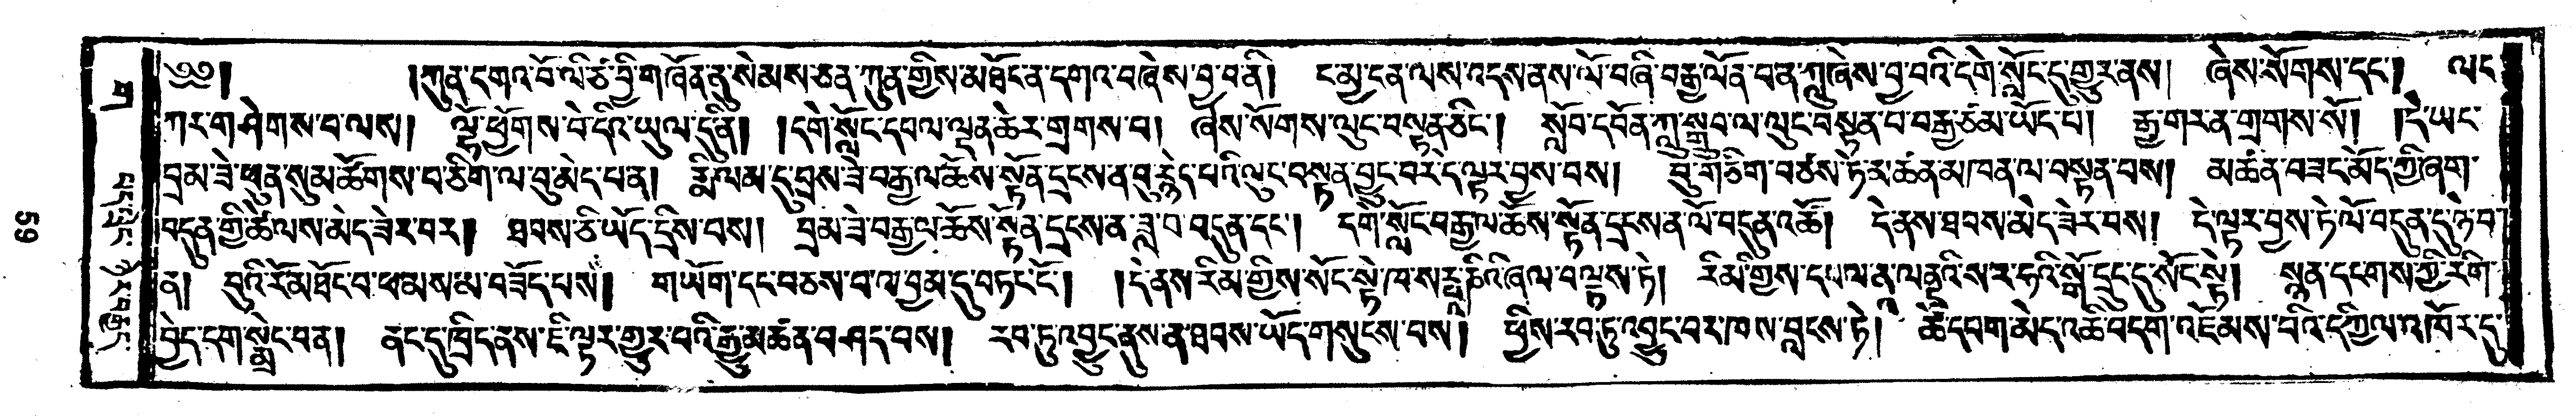༄༅། །ཀུན་དགའ་བོ་ལི་ཙ་བྱི་གཞོན་ནུ་སེམས་ཅན་ཀུན་གྱིས་མཐོང་ན་དགའ་བ་ཞེས་བྱ་བ་ནི། ང་མྱ་ངན་ལས་འདས་ནས་ལོ་བཞི་བརྒྱ་ལོན་པ་ན་ཀླུ་ཞེས་བྱ་བའི་དགེ་སློང་དུ་གྱུར་ནས། ཞེས་སོགས་དང་། ལང་
ཀར་གཤེགས་བ་ལས། ལྷོ་ཕྱོགས་བེ་དེའི་ཡུལ་དུ་ནི། །དགེ་སློང་དཔལ་ལྡན་ཆེར་གྲགས་པ། ཞེས་སོགས་ལུང་བསྟན་ཅིང་། སློབ་དཔོན་ཀླུ་སྒྲུབ་ལ་ལུང་བསྟན་པ་བརྒྱ་ཙམ་ཡོད་པ། རྒྱ་གར་ན་གྲགས་སོ། །དེ་ཡང་
བྲམ་ཟེ་ཕུན་སུམ་ཚོགས་པ་ཅིག་ལ་བུ་མེད་པ་ན། རྨི་ལམ་དུ་བྲས་ཟེ་བརྒྱ་ལ་ཆོས་སྟོན་དྲངས་ན་བུ་རྙེད་པའི་ལུང་བསྟན་བྱུང་བར་དེ་ལྟར་བྱས་བས། བུ་གཅིག་བཙས་ཏེ་མཚན་མཁན་ལ་བསྟན་པས། མཚན་བཟང་མོད་ཀྱི་ཞག་
བདུན་གྱི་ཚེ་ལས་མེད་ཟེར་བར། ཐབས་ཅི་ཡོད་དྲིས་པས། བྲམ་ཟེ་བརྒྱ་ལ་ཆོས་སྟོན་དྲངས་ན་ཟླ་བ་བདུན་དང་། དགེ་སློང་བརྒྱ་ལ་ཆོས་སྟོན་དྲངས་ན་ལོ་བདུན་འཚོ། དེ་ནས་ཐབས་མེད་ཟེར་བས། དེ་ལྟར་བྱས་ཏེ་ལོ་བདུན་དུ་ཉེ་བ།
ན། བུའི་རོ་མཐོང་བ་ཕ་མས་མ་བཟོད་པས། གཡོག་དང་བཅས་པ་ལ་བྱམ་དུ་བཏང་ངོ། །དེ་ནས་རིམ་གྱིས་སོང་སྟེ་ཁ་སརྤཱ་ཎིའི་ཞལ་བལྟས་ཏེ། རིམ་གྱིས་དཔལ་ནཱ་ལནྡྲའི་ས་ར་ཧའི་སྒོ་དྲུང་དུ་སོང་སྟེ། སྙན་དང་གས་ཀྱི་རིག་
བྱེད་དག་སྨྲེང་བ་ན། ནང་དུ་ཁྲིད་ནས་ཇི་ལྟར་གྱུར་པའི་རྒྱུ་མཚན་བཤད་པས། རབ་ཏུ་འབྱུང་ནུས་ན་ཐབས་ཡོད་གསུངས་བས། ཕྱིས་རབ་ཏུ་འབྱུང་བར་ཁས་བླངས་ཏེ། ཚེ་དཔག་མེད་འཆི་བདག་འཇོམས་པའི་དཀྱིལ་འཁོར་དུ་